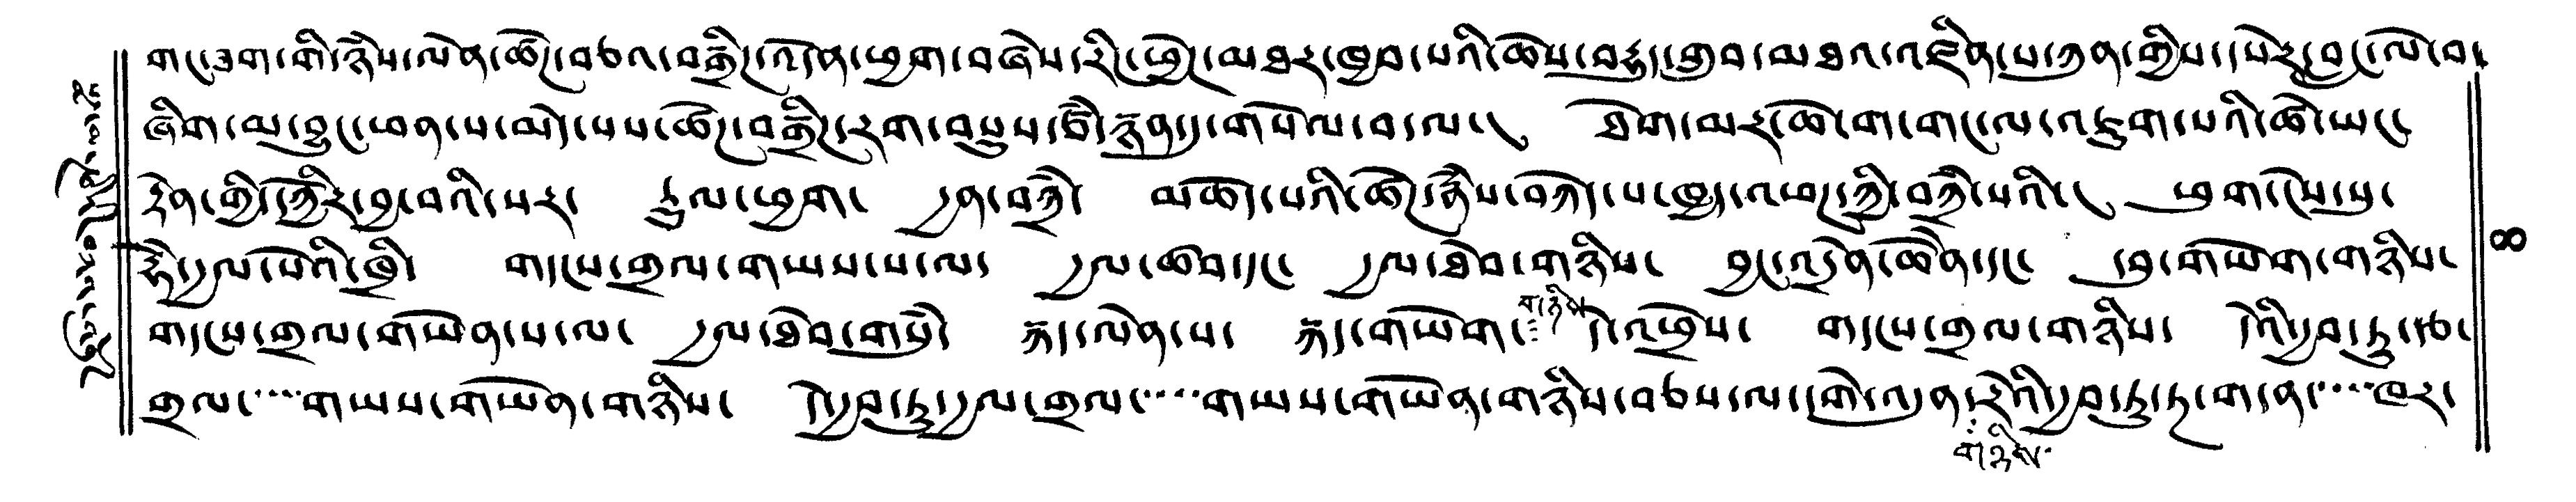གང་ཟག་གི་ཉམས་ལེན། ཚོགས་བཅའ་བསྒྲིགས་འདོན་ཕྱག་བཞེས་རིགས་ཕྱོགས་མཐར་ཁྱབ་པའི་ཆོས་བརྒྱུད་གྲུབ་མཐའ་འཛིན་པ་ཀུན་གྱིས་དཔེར་བླང་ལོ་བ་
ཞིག་མ་བྱུང་ན་ཕན་པ་མེད་པས་ཚོགས་བསྒྲིགས་རགས་བསྡུས་ཙམ་སྙན་དུ་གསོལ་བ་ལ། ཐོག་མར་ཆོ་ག་གང་ལ་འཇུག་པའི་ཚེ་ཡང་
རྟེན་གྱི་དཀྱིལ་འཁོར་བྱ་བའི་སར། རྡུལ་ཕྱག རྒྱན་བཀྲམ། མཆོད་པའི་ཚོགས་རྣམས་བཀོད་པ་ཁྱད་འཕགས་ཀྱི་བཀྲམ་པའི་ཕུག་ངོས་སུ་
རྡོ་རྗེ་རྒྱལ་པོའི་ཁྲི། གདངས་གྲལ་གཡས་པ་ལ། རྒྱལ་ཚབ་དང་། རྒྱལ་ཐེབ་གཉིས། བྱང་འདྲེན་ཆེན་པོ་དང་། དབུ་གཡོག་གཉིས་
གདངས་གྲལ་གཡོན་པ་ལ། རྒྱལ་ཐེབ་གསུམ། སྐད་ལེན་པ། སྐད་གཡོག་གཉིས། དེ་འཕྲོས་གདངས་གྲལ་གཉིས། དེའི་རྒྱབ་ཏུ་རྩ་
གྲལ་གཡས་གཡོན་གཉིས། དེ་རྒྱབ་ཏུ་རྒྱལ་གྲལ་གཡས་གཡོན་གཉིས་བཅས་ལ་དགེ་འདུན་གཉིས་རེའི་རྒྱབ་ཏུ་རྔ་གདན་ཁར་